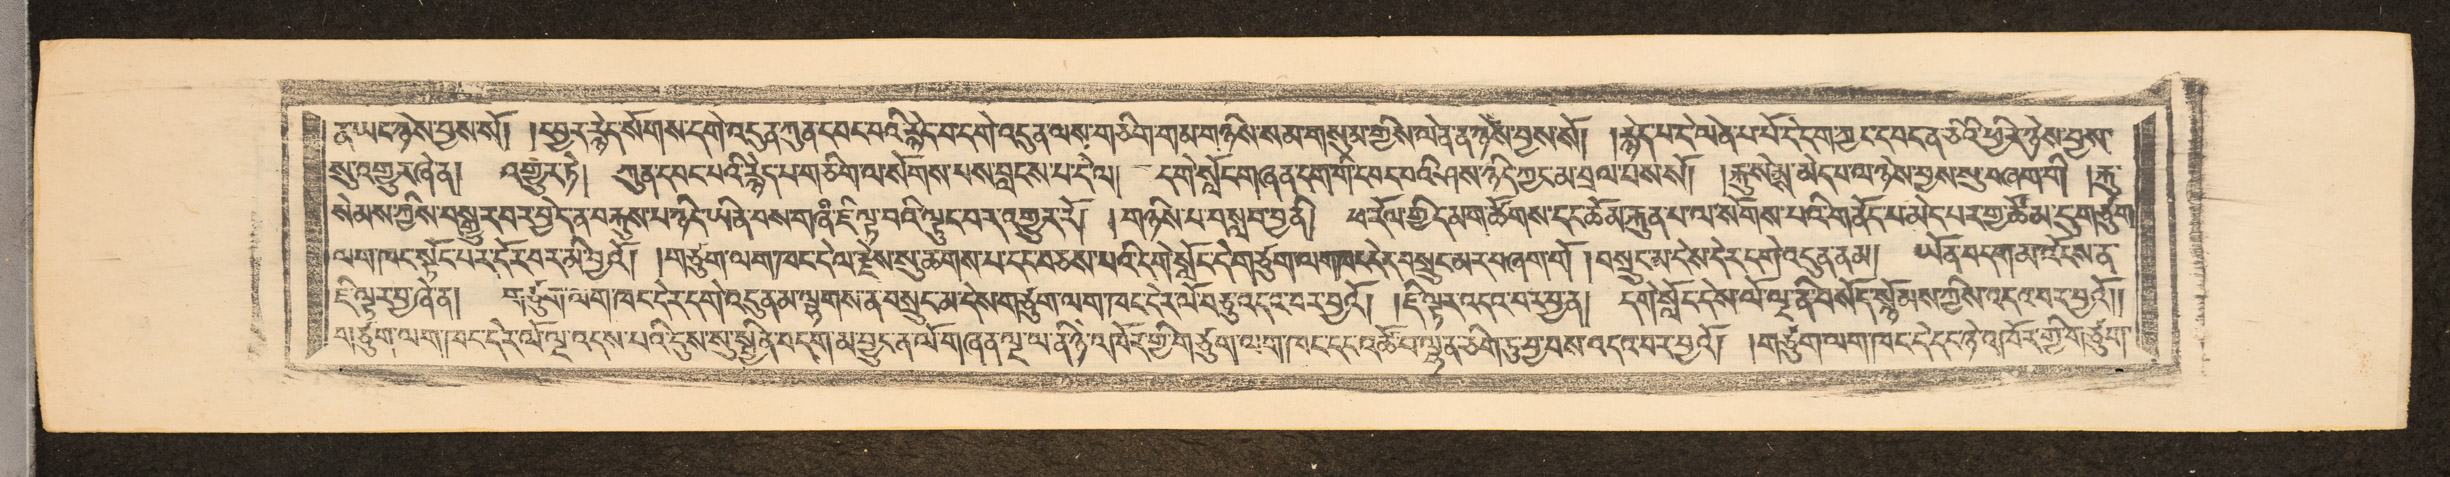ན་ཡང་ཉེས་བྱས་སོ། །དབྱར་རྙེད་སོགས་དགེ་འདུན་ཀུན་དབང་བའི་རྙེད་པ་དགེ་འདུན་ལས་གཅིག་གམ་གཉིས་སམ་གསུམ་གྱིས་ལེན་ན་ཉེས་བྱས་སོ། །རྙེད་པ་དེ་ལེན་པ་པོ་དེ་དག་ཀྱང་དབང་ན་ཅིའི་ཕྱིར་ཉེས་བྱས་
སུ་འགྱུར་ཞེན། འགྱུར་ཏེ། ཀུན་དབང་བའི་རྙེད་པ་གཅིག་ལ་སོགས་པས་བླངས་པ་དེ་ལ། དགེ་སློང་གཞན་དག་གི་དབང་བའི་ཤས་ཉིད་ཀྱང་མ་བྲལ་བས་སོ། །རྐུ་སེམས་མེད་པ་ལ་ཉེས་བྱས་སུ་བཞག་གི །རྐུ་
སེམས་ཀྱིས་བསྒྱུར་བར་བྱེད་ན་བརྐུས་པ་ཉིད་ཡིན་པས་གཞི་ཇི་ལྟ་བའི་ལྟུང་བར་འགྱུར་རོ། །གཉིས་བ་བསླབ་བྱ་ནི། ཕ་རོལ་གྱི་དམག་ཚོགས་དང་ཆོམ་རྐུན་པ་ལ་སོགས་པའི་གནོད་པ་མེད་པར་གྱ་ཚོམ་དུ་གཙུག་
ལག་ཁང་སྟོང་པར་དོར་པར་མི་བྱའོ། །གཙུག་ལག་ཁང་དེ་ལ་རྗེས་སུ་ཆགས་པ་དང་བཅས་པའི་དགེ་སློང་དེ་གཙུག་ལག་ཁང་དེར་བསྲུང་མར་བཞག་གོ །བསྲུང་མ་དེས་དེར་དགེ་འདུན་ནམ། ཡོན་བདག་མ་འོདས་ན་
ཇི་ལྟར་བྱ་ཞེ་ན། གཙུག་ལག་ཁང་དེར་དགེ་འདུན་མ་ལྷགས་ན་བསྲུང་མ་དེས་གཙུག་ལག་ཁང་དེར་ལོ་བཅུ་འདའ་བར་བྱའོ། །ཇི་ལྟར་འདའ་བར་བྱ་ན། དགེ་སློང་དེས་ལོ་ལྔ་ནི་བསོད་སྙོམས་ཀྱིས་འདའ་བར་བྱའོ།།
གཙུག་ལག་ཁང་དེར་ལོ་ལྔ་འདས་པའི་དུས་སུ་སྦྱིན་བདག་མ་བྱུང་ན་ལོ་གཞན་ལྔ་ལ་ནི་ཉེ་འཁོར་གྱི་གཙུག་ལག་ཁང་དང་འཚོ་བ་ལྷན་ཅིག་ཏུ་བྱ་བས་འདའ་བར་བྱའོ། །གཙུག་ལག་ཁང་དེ་དང་ཉེ་འཁོར་གྱི་གཙུག་